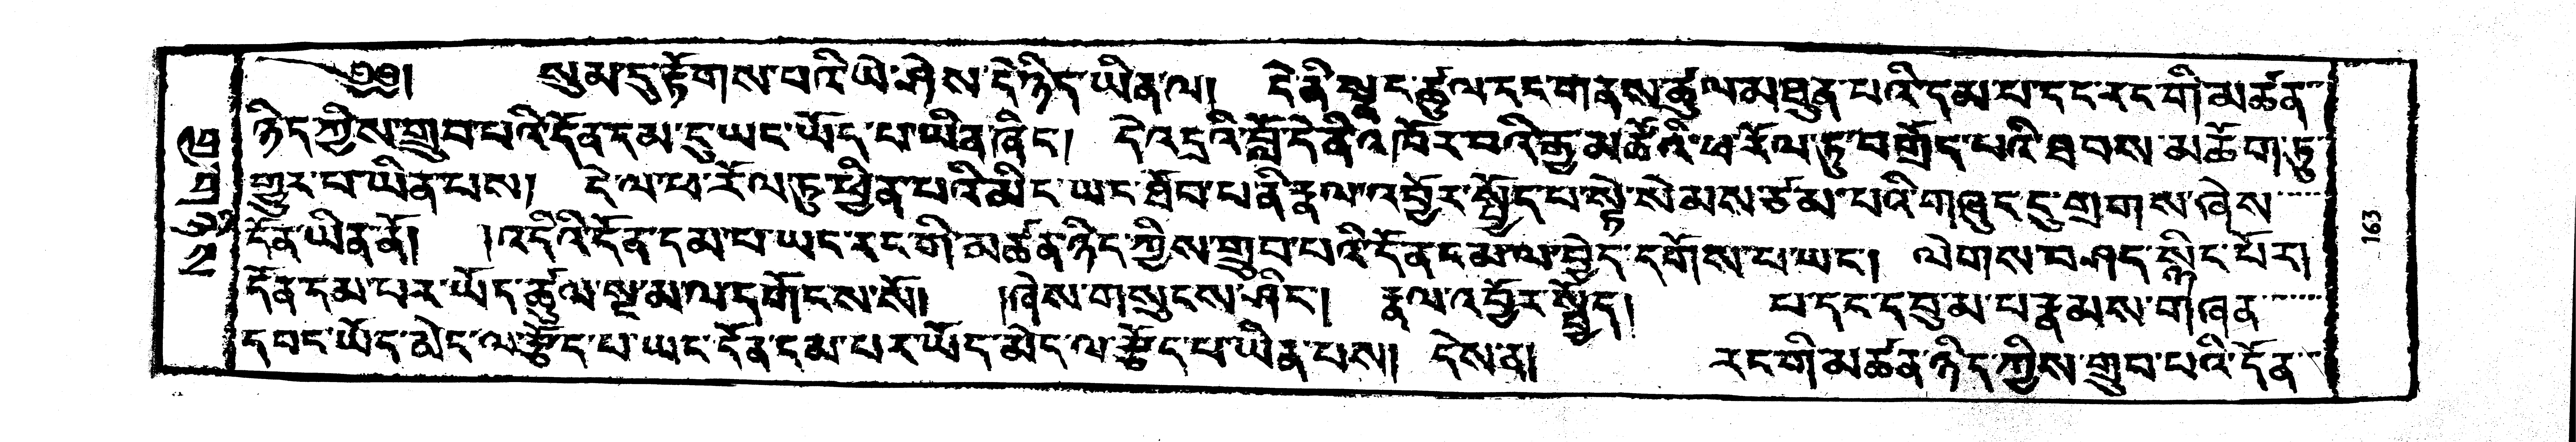༄༅། །སུམ་དུ་རྟོགས་པའི་ཡེ་ཤེས་དེ་ཉིད་ཡིན་ལ། དེ་ནི་སྣང་ཚུལ་དང་གནས་ཚུལ་མཐུན་པའི་དམ་པ་དང་རང་གི་མཚན་
ཉིད་ཀྱིས་གྲུབ་པའི་དོན་དམ་དུ་ཡང་ཡོད་པ་ཡིན་ཞིང་། དེ་འདྲའི་བློ་དེ་ནི་འཁོར་བའི་རྒྱ་མཚོའི་ཕ་རོལ་ཏུ་བགྲོད་པའི་ཐབས་མཆོག་ཏུ་
གྱུར་པ་ཡིན་པས། དེ་ལ་ཕ་རོལ་ཏུ་ཕྱིན་པའི་མིང་ཡང་ཐོབ་པ་ནི་རྣལ་འབྱོར་སྤྱོད་པ་སྟེ་སེམས་ཙམ་པའི་གཞུང་དུ་གྲགས་ཞེས་
དོན་ཡིན་ནོ། །འདིའི་དོན་དམ་པ་ཡང་རང་གི་མཚན་ཉིད་ཀྱིས་གྲུབ་པའི་དོན་དམ་ལ་བྱེད་དགོས་པ་ཡང་། ལེགས་བཤད་སྙིང་པོར།
དོན་དམ་པར་ཡོད་ཚུལ་སྔ་མ་ལ་དགོངས་སོ། །ཞེས་གསུངས་ཤིང་། རྣལ་འབྱོར་སྤྱོད། པ་དང་དབུ་མ་པ་རྣམས་གཞན་
དབང་ཡོད་མེད་ལ་རྩོད་པ་ཡང་དོན་དམ་པར་ཡོད་མེད་ལ་རྩོད་པ་ཡིན་པས། དེས་ན། རང་གི་མཚན་ཉིད་ཀྱིས་གྲུབ་པའི་དོན་